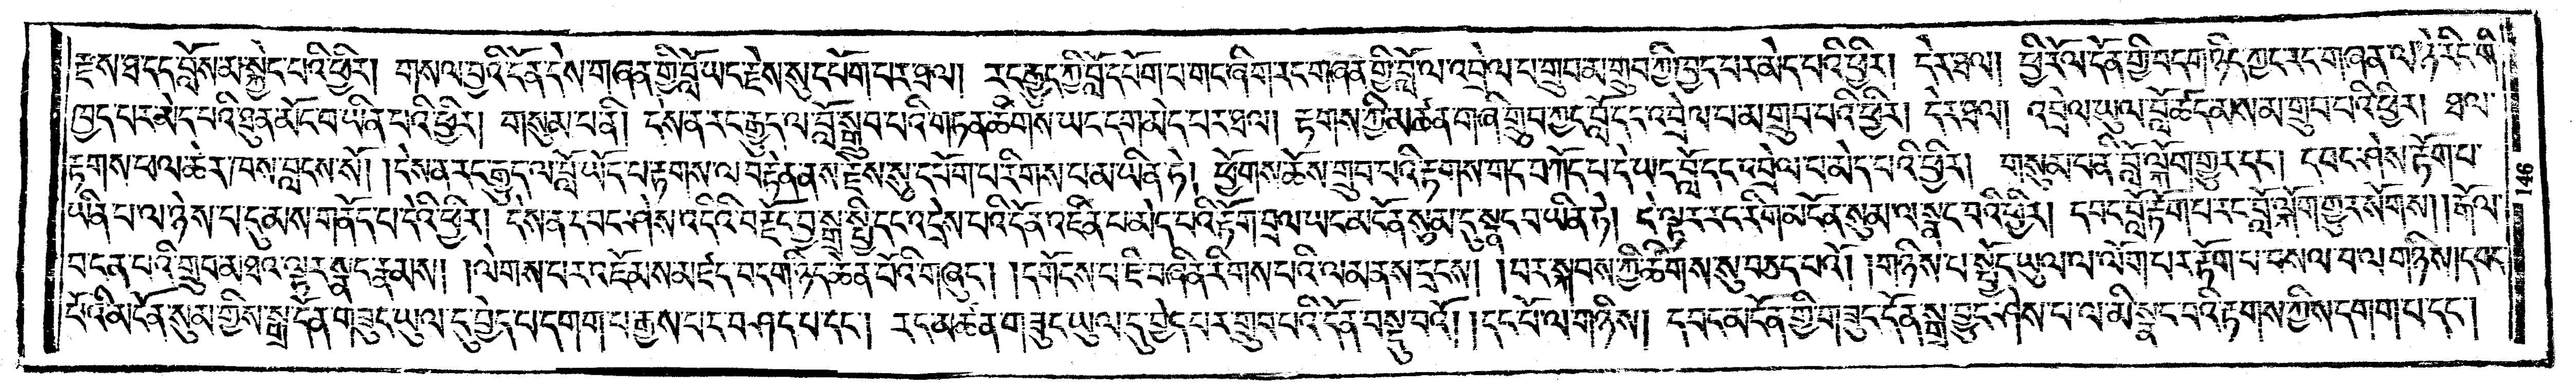རྫས་ཐ་དད་བློས་མ་སྐྱེད་པའི་ཕྱིར། གསལ་བྱའི་དོན་དེས་གཞན་གྱི་བློ་ཡང་རྗེས་སུ་དཔོག་པར་ཐལ། རང་རྒྱུད་ཀྱི་བློ་དཔོག་པ་གང་ཞིག་རང་གཞན་གྱི་བློ་ལ་འབྲེལ་པ་གྲུབ་མ་གྲུབ་ཀྱི་ཁྱད་པར་མེད་པའི་ཕྱིར། དེར་ཐལ། ཕྱི་རོལ་དོན་གྱི་བདག་ཉིད་ཀྱང་རང་གཞན་ལ་ཉེ་རིང་གི་
ཁྱད་པར་མེད་པའི་ཐུན་མོང་བ་ཡིན་པའི་ཕྱིར། གསུམ་པ་ནི། དེས་ན་རང་རྒྱུད་ལ་བློ་སྒྲུབ་པའི་གཏན་ཚིགས་ཡང་དག་མེད་པར་ཐལ། རྟགས་ཀྱི་མཚན་གཞི་གྲུབ་ཀྱང་བློ་དང་འབྲེལ་པ་མ་གྲུབ་པའི་ཕྱིར། དེར་ཐལ། འབྲེལ་ཡུལ་བློ་ཚད་མས་མ་གྲུབ་པའི་ཕྱིར། ཐལ་
རྟགས་ཕལ་ཆེར་ཁས་བླངས་སོ། །དེས་ན་རང་རྒྱུད་ལ་བློ་ཡོད་པ་རྟགས་ལ་བརྟེན་ནས་རྗེས་སུ་དཔོག་པ་རིགས་པ་མ་ཡིན་ཏེ། ཕྱོགས་ཆོས་གྲུབ་པའི་རྟགས་གང་བཀོད་པ་དེ་ཡང་བློ་དང་འབྲེལ་པ་མེད་པའི་ཕྱིར། གསུམ་པ་ནི་བློ་ལྐོག་གྱུར་དང་། དབང་ཤེས་རྟོག་པ་
ཡིན་པ་ལ་ཉེས་པ་དུ་མས་གནོད་པ་དེའི་ཕྱིར། དེས་ན་དབང་ཤེས་འདིའི་བརྗོད་བྱ་སྒྲ་སྤྱི་དང་འདྲེས་པའི་དོན་འཛིན་པ་མེད་པའི་རྟོག་བྲལ་ཡང་མངོན་སུམ་དུ་སྣང་བ་ཡིན་ཏེ། དེ་ལྟར་རང་རིག་མངོན་སུམ་ལ་སྣང་བའི་ཕྱིར། དབང་བློ་རྟོག་པ་རང་བློ་ལྐོག་གྱུར་སོགས། །རྒོལ་
བ་ངན་པའི་གྲུབ་མཐའ་ལྟར་སྣང་རྣམས། །ལེགས་པར་འཇོམས་མཛད་བདག་ཉིད་ཆེན་པོའི་གཞུང་། །དགོངས་པ་ཇི་བཞིན་རིགས་པའི་ལམ་ནས་དྲངས། །བར་སྐབས་ཀྱི་ཚིགས་སུ་བཅད་པའོ། །གཉིས་པ་སྤྱོད་ཡུལ་ལ་ལོག་པར་རྟོག་པ་བསལ་བ་ལ་གཉིས། དབང་
པོའི་མངོན་སུམ་གྱིས་སྒྲ་དོན་གཟུང་ཡུལ་དུ་བྱེད་པ་དགག་པ་རྒྱས་པར་བཤད་པ་དང་། རང་མཚན་གཟུང་ཡུལ་དུ་བྱེད་པར་གྲུབ་པའི་དོན་བསྡུ་བའོ། །དང་པོ་ལ་གཉིས། དབང་མངོན་གྱི་གཟུང་དོན་སྒྲ་བྱུང་ཤེས་པ་ལ་མི་སྣང་བའི་རྟགས་ཀྱིས་དགག་པ་དང་།